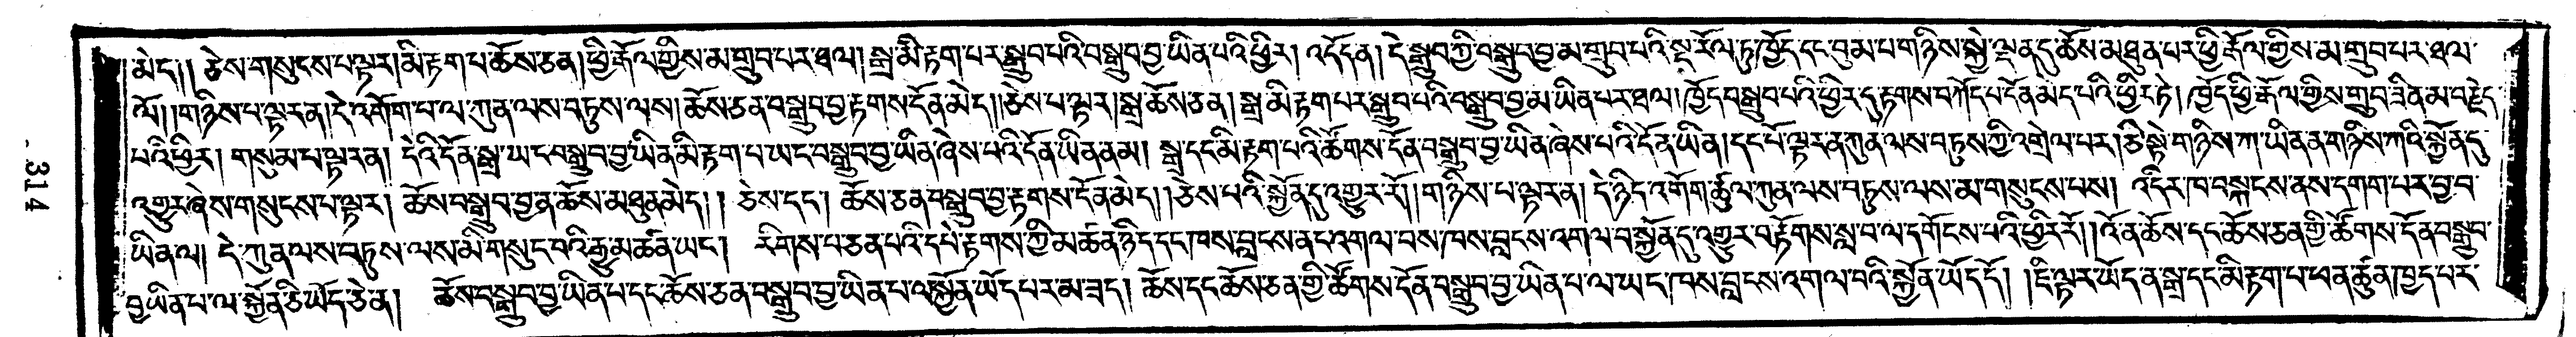མེད༑ ༑ཅེས་གསུངས་པ་ལྟར། མི་རྟག་པ་ཆོས་ཅན། ཕྱི་རྒོལ་གྱིས་མ་གྲུབ་པར་ཐལ། སྒྲ་མི་རྟག་པར་སྒྲུབ་པའི་བསྒྲུབ་བྱ་ཡིན་པའི་ཕྱིར། འདོད་ན། དེ་སྒྲུབ་ཀྱི་བསྒྲུབ་བྱ་མ་གྲུབ་པའི་སྔ་རོལ་ཏུ་ཁྱོད་དང་བུམ་པ་གཉིས་སྐྱེ་ལྡན་དུ་ཆོས་མཐུན་པར་ཕྱི་རྒོལ་གྱིས་མ་གྲུབ་པར་ཐལ་
ལོ༑ ༑གཉིས་པ་ལྟར་ན། དེ་འགོག་པ་ལ་ཀུན་ལས་བཏུས་ལས། ཆོས་ཅན་བསྒྲུབ་བྱ་རྟགས་དོན་མེད། །ཅེས་པ་ལྟར། སྒྲ་ཆོས་ཅན། སྒྲ་མི་རྟག་པར་སྒྲུབ་པའི་བསྒྲུབ་བྱ་མ་ཡིན་པར་ཐལ། ཁྱོད་བསྒྲུབ་པའི་ཕྱིར་དུ་རྟགས་བཀོད་པ་དོན་མེད་པའི་ཕྱིར་ཏེ། ཁྱོད་ཕྱི་རྒོལ་གྱིས་གྲུབ་ཟིན་མ་བརྗོད་
པའི་ཕྱིར། གསུམ་པ་ལྟར་ན། དེའི་དོན་སྒྲ་ཡང་བསྒྲུབ་བྱ་ཡིན་མི་རྟག་པ་ཡང་བསྒྲུབ་བྱ་ཡིན་ཞེས་པའི་དོན་ཡིན་ནམ། སྒྲ་དང་མི་རྟག་པའི་ཚོགས་དོན་བསྒྲུབ་བྱ་ཡིན་ཞེས་པའི་དོན་ཡིན། དང་པོ་ལྟར་ན་ཀུན་ལས་བཏུས་ཀྱི་འགྲེལ་པར། ཅི་སྟེ་གཉིས་ཀ་ཡིན་ན་གཉིས་ཀའི་སྐྱོན་དུ་
འགྱུར་ཞེས་གསུངས་པ་ལྟར། ཆོས་བསྒྲུབ་བྱ་ན་ཆོས་མཐུན་མེད།། ཅེས་དང་། ཆོས་ཅན་བསྒྲུབ་བྱ་རྟགས་དོན་མེད། །ཅེས་པའི་སྐྱོན་དུ་འགྱུར་རོ། །གཉིས་པ་ལྟར་ན། དེ་ཉིད་འགོག་ཚུལ་ཀུན་ལས་བཏུས་ལས་མ་གསུངས་པས། འདིར་ཁ་བསྐངས་ནས་དགག་པར་བྱ་བ་
ཡིན་ལ། དེ་ཀུན་ལས་བཏུས་ལས་མི་གསུང་པའི་རྒྱུ་མཚན་ཡང་། རིགས་པ་ཅན་པའི་དཔེ་རྟགས་ཀྱི་མཚན་ཉིད་དང་ཁས་བླངས་ནང་འགལ་བས་ཁས་བླངས་འགལ་བ་སྐྱོན་དུ་འགྱུར་བ་རྟོགས་སླ་བ་ལ་དགོངས་པའི་ཕྱིར་རོ། །འོ་ན་ཆོས་དང་ཆོས་ཅན་གྱི་ཚོགས་དོན་བསྒྲུབ་
བྱ་ཡིན་པ་ལ་སྐྱོན་ཅི་ཡོད་ཅེ་ན། ཆོས་བསྒྲུབ་བྱ་ཡིན་པ་དང་ཆོས་ཅན་བསྒྲུབ་བྱ་ཡིན་པ་ལ་སྐྱོན་ཡོད་པར་མ་ཟད། ཆོས་དང་ཆོས་ཅན་གྱི་ཚོགས་དོན་བསྒྲུབ་བྱ་ཡིན་པ་ལ་ཡང་ཁས་བླངས་འགལ་བའི་སྐྱོན་ཡོད་དོ། །ཇི་ལྟར་ཡོད་ན་སྒྲ་དང་མི་རྟག་པ་ཕན་ཚུན་ཁྱད་པར་